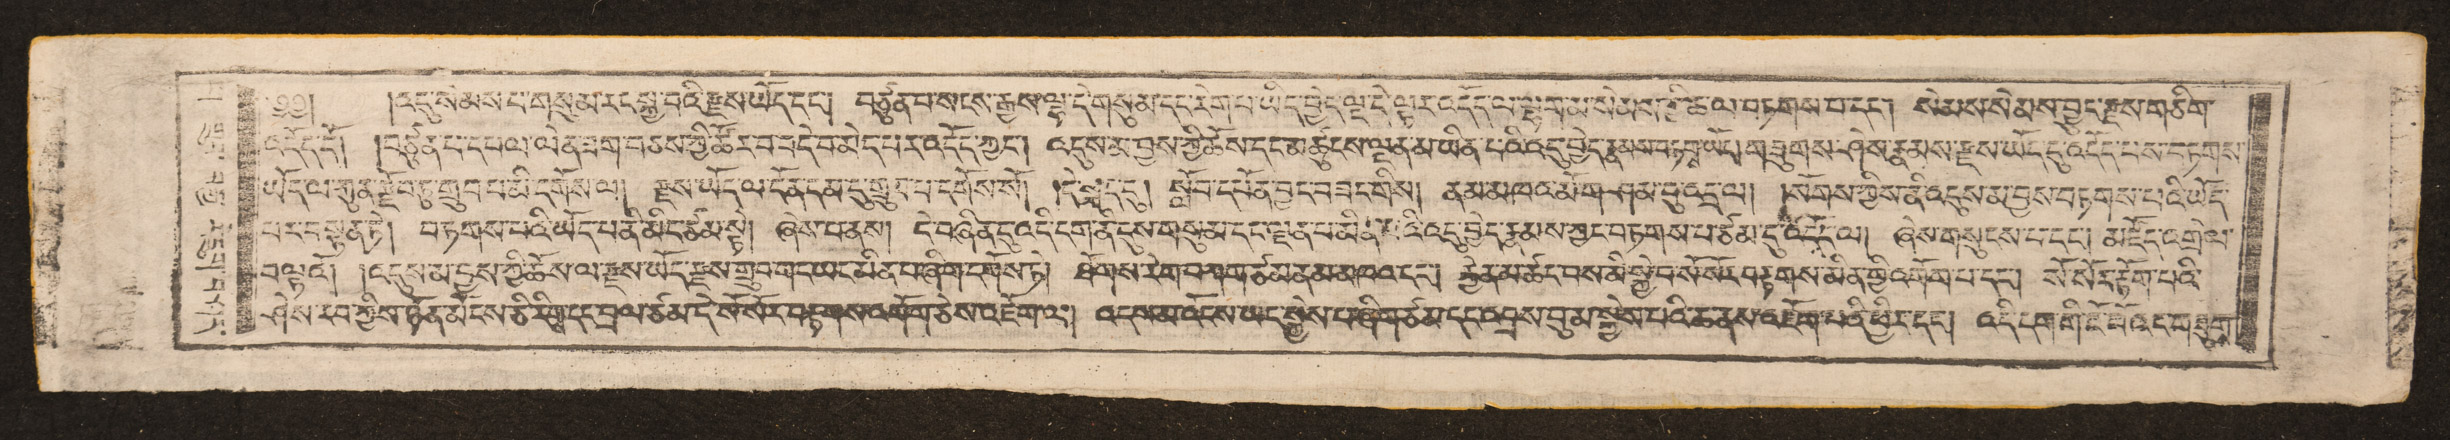༄༅། །འདུ་སེམས་པ་གསུམ་རང་སྐྱ་བའི་རྫས་ཡོད་དང་། བཙུན་པ་སངས་རྒྱས་ལྷ་དེ་གསུམ་དང་རེག་པ་ཡིད་བྱེད་ལྔ་དེ་ལྟར་འདོད་ལ་ལྷག་མ་སེམས་ཀྱི་ཆ་ལ་བཏགས་པ་དང་། སེམས་སེམས་བྱུང་རྫས་གཅིག་
འདོད་དོ། །བཙུན་པ་དཔལ་ལེན་ཟག་བཅས་ཀྱི་ཚོར་བ་བདེ་བ་མེད་པར་འདོད་ཀྱང་། འདུས་མ་བྱས་ཀྱི་ཆོས་དང་མཚུངས་ལྡན་མ་ཡིན་པའི་འདུ་བྱེད་རྣམས་བཏགས་ཡོད། གཟུགས་ཤེས་རྣམས་རྫས་ཡོད་དུ་འདོད་པས་བཏགས་
ཡོད་ལ་ཀུན་རྫོབ་ཏུ་གྲུབ་པ་མི་དགོས་ལ། རྫས་ཡོད་ལ་དོན་དམ་དུ་གྲུབ་པ་དགོས་སོ། །དེ་སྐད་དུ། སློབ་དཔོན་བྱང་བཟང་གིས། ནམ་མཁའ་མོ་གཤམ་དུ་འདྲ་ལ། །སོགས་ཀྱིས་ནི་འདུས་མ་བྱས་བཏགས་པའི་ཡོད་
པར་བསྟན་ཏེ། བཏགས་པའི་ཡོད་པ་ནི་མིང་ཙམ་སྟེ། ཞེས་པ་ནས། དེ་བཞིན་དུ་འདི་དག་ནི་དུས་གསུམ་དང་ལྡན་པ་མིན་པའི་འདུ་བྱེད་རྣམས་ཀྱང་བཏགས་པ་ཙམ་དུ་འདོད་ལ། ཞེས་གསུངས་པ་དང་། མཛོད་འགྲེལ་
བལྟའོ། །འདུས་མ་བྱས་ཀྱི་ཆོས་ལ་རྫས་ཡོད་རྫས་གྲུབ་གང་ཡང་མིན་པ་ཞིག་དགོས་ཏེ། ཐོགས་རེག་བཀག་ཙམ་ནམ་མཁའ་དང་། རྐྱེན་མ་ཚང་བས་མི་སྐྱེ་བ་སོ་སོར་བརྟགས་མིན་གྱི་འགོག་པ་དང་། སོ་སོར་རྟོག་པའི་
ཤེས་རབ་ཀྱིས་ཉོན་མོངས་ཅི་རིགས་དང་བྲལ་ཙམ་ངེ་སོ་སོར་བརྟགས་འགོག་ཅེས་འཇོག་ལ། འདས་མ་འོངས་ཡང་སྐྱེས་པ་ཞིག་ཙམ་དང་འབྲས་བུ་མ་སྐྱེས་པའི་ཆ་ནས་འཇོག་པའི་ཕྱིར་དང་། འདི་དག་གི་ངོ་བོའང་གཟུགས་